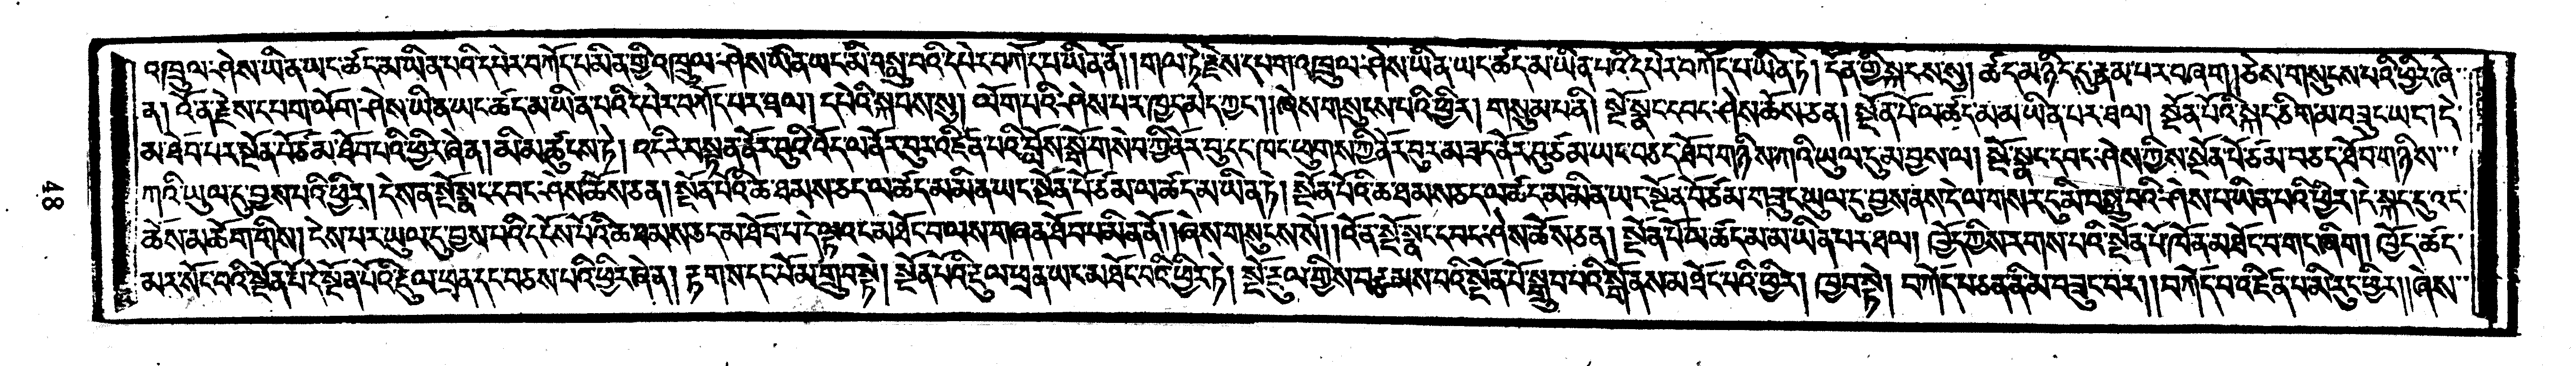འཁྲུལ་ཤེས་ཡིན་ཡང་ཚད་མ་ཡིན་པའི་དཔེར་བཀོད་པ་མིན་གྱི་འཁྲུལ་ཤེས་ཡིན་ཡང་མི་བསླུ་བའི་དཔེར་བཀོད་པ་ཡིན་ནོ། །གལ་ཏེ་རྗེས་དཔག་འཁྲུལ་ཤེས་ཡིན་ཡང་ཚད་མ་ཡིན་པའི་དཔེར་བཀོད་པ་ཡིན་ཏེ། དོན་གྱི་སྐབས་སུ། ཚད་མ་ཉིད་དུ་རྣམ་པར་བཞག །ཅེས་གསུངས་པའི་ཕྱིར་ཞེ་
ན། འོ་ན་རྗེས་དཔག་ལོག་ཤེས་ཡིན་ཡང་ཚད་མ་ཡིན་པའི་དཔེར་བཀོད་པར་ཐལ། དཔེའི་སྐབས་སུ། ལོག་པའི་ཤེས་པར་ཁྱད་མེད་ཀྱང་། །ཞེས་གསུངས་པའི་ཕྱིར། གསུམ་པ་ནི། སྔོ་སྣང་དབང་ཤེས་ཆོས་ཅན། སྔོན་པོ་ལ་ཚད་མ་མ་ཡིན་པར་ཐལ། སྔོན་པོའི་སྐད་ཅིག་མ་བཟུང་ཡང་། དེ་
མ་ཐོབ་པར་སྔོན་པོ་ཙམ་ཐོབ་པའི་ཕྱིར་ཞེ་ན། མི་མཚུངས་ཏེ། འདིར་བསྟན་ནོར་བུའི་འོད་ལ་ནོར་བུར་འཛིན་པའི་བློས་སྒོ་གསེབ་ཀྱི་ནོར་བུ་དང་ཁང་ཕུགས་ཀྱི་ནོར་བུར་མ་ཟད་ནོར་བུ་ཙམ་ཡང་བཅད་ཐོབ་གཉིས་ཀའི་ཡུལ་དུ་མ་བྱས་ལ། སྔོ་སྣང་དབང་ཤེས་ཀྱིས་སྔོན་པོ་ཙམ་བཅད་ཐོབ་གཉིས་
ཀའི་ཡུལ་དུ་བྱས་པའི་ཕྱིར། དེས་ན་སྔོ་སྣང་དབང་ཤེས་ཆོས་ཅན། སྔོན་པོའི་ཆ་ཐམས་ཅད་ལ་ཚད་མ་མིན་ཡང་སྔོན་པོ་ཙམ་ལ་ཚད་མ་ཡིན་ཏེ། སྔོན་པོའི་ཆ་ཐམས་ཅད་ལ་ཚད་མ་མིན་ཡང་སྔོན་པོ་ཙམ་གཟུང་ཡུལ་དུ་བྱས་ནས་དེ་ལ་གསར་དུ་མི་བསླུ་བའི་ཤེས་པ་ཡིན་པའི་ཕྱིར། དེ་སྐད་དུའང་
ཆོས་མཆོག་གིས། ངེས་པར་ཡུལ་དུ་བྱས་པའི་དངོས་པོའི་ཆ་ཐམས་ཅད་མ་ཐོབ་པ་དེ་ལྟའང་མཐོང་བ་ལས་གཞན་ཐོབ་པ་མིན་ནོ། །ཞེས་གསུངས་སོ། །འོ་ན་སྔོ་སྣང་དབང་ཤེས་ཆོས་ཅན། སྔོན་པོ་ལ་ཚད་མ་མ་ཡིན་པར་ཐལ། ཁྱོད་ཀྱིས་རགས་པའི་སྔོན་པོ་ཁོ་ན་མཐོང་བ་གང་ཞིག །ཁྱོད་ཚད་
མར་སོང་བའི་སྔོན་པོ་དེ་སྔོན་པོའི་རྡུལ་ཕྲན་དང་བཅས་པའི་ཕྱིར་ཞེ་ན། རྟགས་དང་པོ་མ་གྲུབ་སྟེ། སྔོན་པོའི་རྡུལ་ཕྲན་ཡང་མཐོང་བའི་ཕྱིར་ཏེ། སྔོ་རྡུལ་གྱིས་བརྩམས་བའི་སྔོན་པོ་སྒྲུབ་པའི་སྒོ་ནས་མཐོང་བའི་ཕྱིར། ཁྱབ་སྟེ། བཀོད་པ་ཅན་ནི་མ་བཟུང་བར། །བཀོད་པ་འཛིན་པ་མི་རུང་ཕྱིར། །ཞེས་